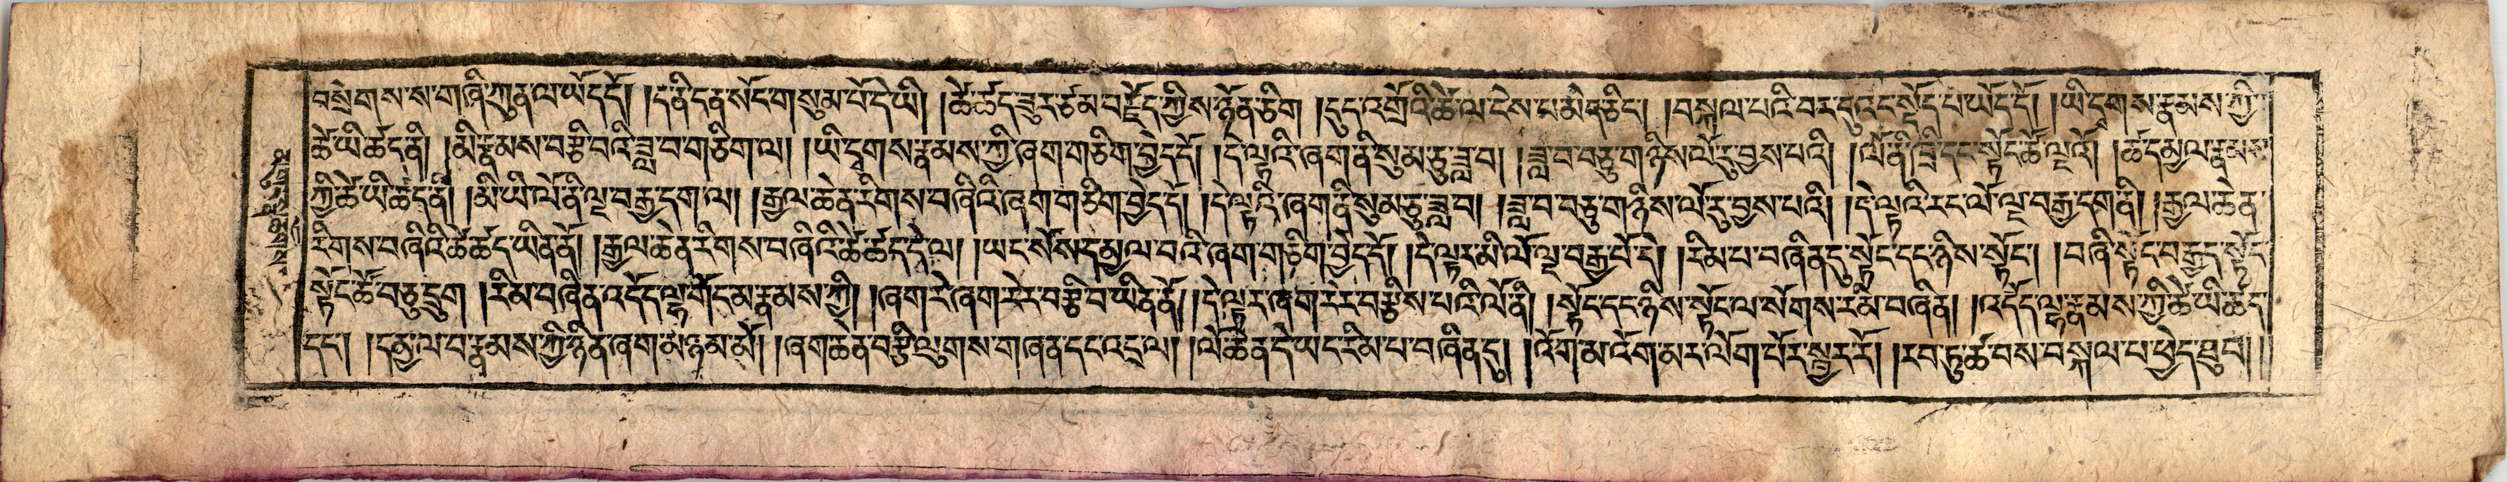བསྲེགས་ས་གཞི་ཀུན་ལ་ཡོད་དོ། །ད་ནི་ངན་སོང་གསུམ་པོ་དེ་ཡི། །ཚེ་ཚད་ཟུར་ཙམ་བརྗོད་ཀྱིས་ཉོན་ཅིག །དུད་འགྲོའི་ཚེ་ལ་ངེས་པ་མེད་ཅིང། །བསྐལ་པའི་བར་དུའང་སྡོད་པ་ཡོད་དོ། །ཡི་དྭགས་རྣམས་ཀྱི་
ཚེ་ཡི་ཚད་ནི། །མི་རྣམས་བརྩི་བའི་ཟླ་བ་གཅིག་ལ། །ཡི་དྭགས་རྣམས་ཀྱི་ཞག་གཅིག་བྱེད་དོ། །དེ་ལྟའི་ཞག་ནི་སུམ་ཅུ་ཟླ་བ། །ཟླ་བ་བཅུ་གཉིས་ལོ་རུ་བྱས་པའི། །ལོ་ནི་ཁྲི་དང་སྟོང་ཚོ་ལྔའོ། །ཚ་དམྱལ་རྣམས་
ཀྱི་ཚེ་ཡི་ཆད་ན། །མི་ཡི་ལོ་ནི་ལྔ་བརྒྱ་དག་ལ། །རྒྱལ་ཆེན་རིགས་བཞིའི་ཞག་གཅིག་བྱེད་དོ། །དེ་ལྟའི་ཞག་སུམ་ཅུ་ཟླ་བ། །ཟླ་བ་བཅུ་གཉིས་ལོར་བྱས་པའི། །དེ་ལྟའི་རང་ལོ་ལྔ་བརྒྱ་དང་བཞི། །རྒྱལ་ཆེན་
རིགས་བཞིའི་ཚེ་ཚད་ཡིན་ནོ། །རྒྱལ་ཆེན་རིགས་བཞིའི་ཚེ་ཚད་དེ་ལ། །ཡང་སོས་དམྱལ་བའི་ཞག་གཅིག་བྱེད་དོ། །དེ་ལྟར་མི་ལོ་ལྔ་བརྒྱ་པོ་དེ། །རིམ་པ་བཞིན་དུ་སྟོང་དང་ཉིས་སྟོང་། །བཞི་སྟོང་བརྒྱད་སྟོང་
སྟོང་ཚོ་བཅུ་དྲུག །རིམ་བཞིན་འདོད་ལྷ་གོང་མ་རྣམས་ཀྱི། །ཞག་རེ་ཞག་རེར་བརྩི་བ་ཡིན་ནོ། །དེ་ལྟར་ཞག་རེར་བརྩིས་པའི་ལོ་ན། །སྟོང་དང་ཉིས་སྟོང་ལ་སོགས་རིམ་བཞིན། །འདོད་ལྷ་རྣམས་ཀྱི་ཚེ་ཡི་ཚད་
དང་། །དམྱ་ལ་བ་རྣམས་ཀྱི་ཉིན་ཞག་མཉམ་མོ། །ཞག་ཆེན་བརྩི་ལུགས་གཞན་དང་འདྲ་ལ། །ལོ་ཆེན་དེ་ཡང་རིམ་པ་བཞིན་དུ། །འོག་མ་འོག་མར་ལོག་པོར་སྦྱར་རོ། །རབ་ཏུ་ཚ་བས་བསྐལ་པ་ཕྱེད་ཐུབ། །